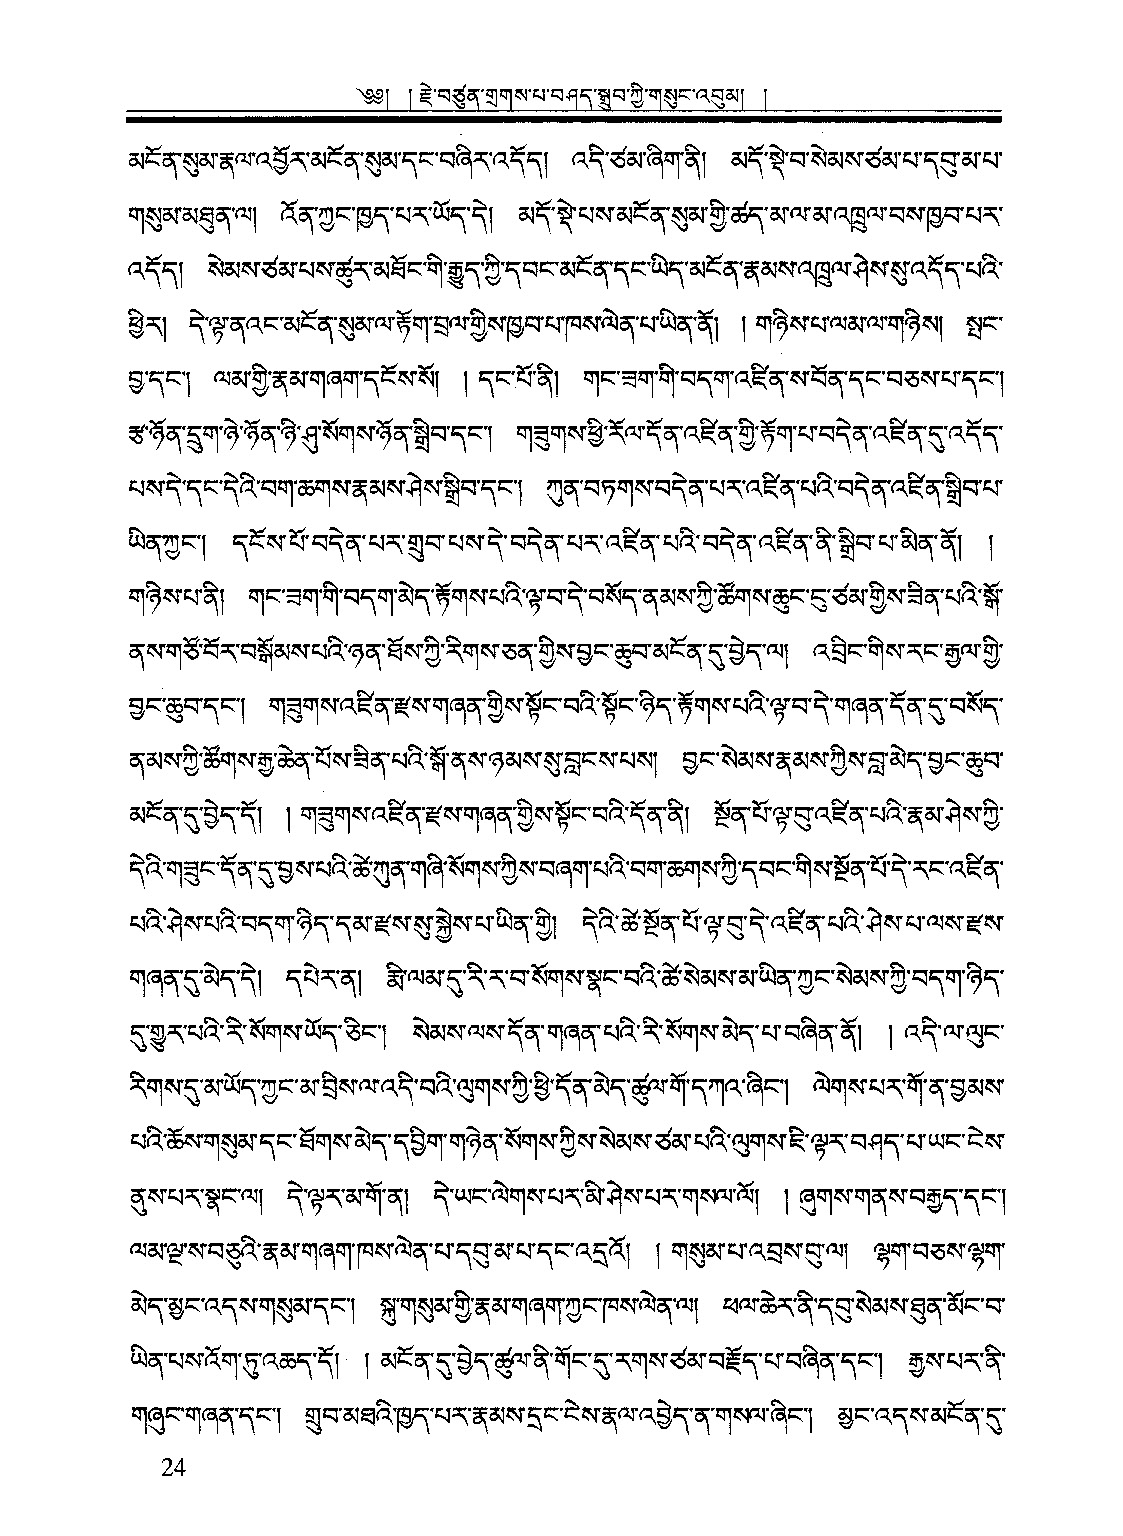མངོན་སུམ་རྣལ་འབྱོར་མངོན་སུམ་དང་བཞིར་འདོད། འདི་ཙམ་ཞིག་ནི། མདོ་སྡེ་བ་སེམས་ཙམ་པ་དབུ་མ་པ་
གསུམ་མཐུན་ལ། འོན་ཀྱང་ཁྱད་པར་ཡོད་དེ། མདོ་སྡེ་པས་མངོན་སུམ་གྱི་ཚད་མ་ལ་མ་འཁྲུལ་བས་ཁྱབ་པར་
འདོད། སེམས་ཙམ་པས་ཚུར་མཐོང་གི་རྒྱུད་ཀྱི་དབང་མངོན་དང་ཡིད་མངོན་རྣམས་འཁྲུལ་ཤེས་སུ་འདོད་པའི་
ཕྱིར། དེ་ལྟ་ནའང་མངོན་སུམ་ལ་རྟོག་བྲལ་གྱིས་ཁྱབ་པ་ཁས་ལེན་པ་ཡིན་ནོ། །གཉིས་པ་ལམ་ལ་གཉིས། སྤང་
བྱ་དང་། ལམ་གྱི་རྣམ་གཞག་དངོས་སོ། །དང་པོ་ནི། གང་ཟག་གི་བདག་འཛིན་ས་བོན་དང་བཅས་པ་དང་།
རྩ་ཉོན་དྲུག་ཉེ་ཉོན་ཉི་ཤུ་སོགས་ཉོན་སྒྲིབ་དང་། གཟུགས་ཕྱི་རོལ་དོན་འཛིན་གྱི་རྟོག་པ་བདེན་འཛིན་དུ་འདོད་
པས་དེ་དང་དེའི་བག་ཆགས་རྣམས་ཤེས་སྒྲིབ་དང་། ཀུན་བཏགས་བདེན་པར་འཛིན་པའི་བདེན་འཛིན་སྒྲིབ་པ་
ཡིན་ཀྱང་། དངོས་པོ་བདེན་པར་གྲུབ་པས་དེ་བདེན་པར་འཛིན་པའི་བདེན་འཛིན་ནི་སྒྲིབ་པ་མིན་ནོ། །
གཉིས་པ་ནི། གང་ཟག་གི་བདག་མེད་རྟོགས་པའི་ལྟ་བ་དེ་བསོད་ནམས་ཀྱི་ཚོགས་ཆུང་ངུ་ཙམ་གྱིས་ཟིན་པའི་སྒོ་
ནས་གཙོ་བོར་བསྒོམས་པའི་ཉན་ཐོས་ཀྱི་རིགས་ཅན་གྱིས་བྱང་ཆུབ་མངོན་དུ་བྱེད་ལ། འབྲིང་གིས་རང་རྒྱལ་གྱི་
བྱང་ཆུབ་དང་། གཟུགས་འཛིན་རྫས་གཞན་གྱིས་སྟོང་བའི་སྟོང་ཉིད་རྟོགས་པའི་ལྟ་བ་དེ་གཞན་དོན་དུ་བསོད་
ནམས་ཀྱི་ཚོགས་རྒྱ་ཆེན་པོས་ཟིན་པའི་སྒོ་ནས་ཉམས་སུ་བླངས་པས། བྱང་སེམས་རྣམས་ཀྱིས་བླ་མེད་བྱང་ཆུབ་
མངོན་དུ་བྱེད་དོ། །གཟུགས་འཛིན་རྫས་གཞན་གྱིས་སྟོང་བའི་དོན་ནི། སྔོན་པོ་ལྟ་བུ་འཛིན་པའི་རྣམ་ཤེས་ཀྱི་
དེའི་གཟུང་དོན་དུ་བྱས་པའི་ཚེ་ཀུན་གཞི་སོགས་ཀྱིས་བཞག་པའི་བག་ཆགས་ཀྱི་དབང་གིས་སྔོན་པོ་དེ་རང་འཛིན་
པའི་ཤེས་པའི་བདག་ཉིད་དམ་རྫས་སུ་སྐྱེས་པ་ཡིན་གྱི། དེའི་ཚེ་སྔོན་པོ་ལྟ་བུ་དེ་འཛིན་པའི་ཤེས་པ་ལས་རྫས་
གཞན་དུ་མེད་དེ། དཔེར་ན། རྨི་ལམ་དུ་རི་ར་བ་སོགས་སྣང་བའི་ཚེ་སེམས་མ་ཡིན་ཀྱང་སེམས་ཀྱི་བདག་ཉིད་
དུ་གྱུར་པའི་རི་སོགས་ཡོད་ཅིང་། སེམས་ལས་དོན་གཞན་པའི་རི་སོགས་མེད་པ་བཞིན་ནོ། །འདི་ལ་ལུང་
རིགས་དུ་མ་ཡོད་ཀྱང་མ་བྲིས་ལ་འདི་བའི་ལུགས་ཀྱི་ཕྱི་དོན་མེད་ཚུལ་གོ་དཀའ་ཞིང་། ལེགས་པར་གོ་ན་བྱམས་
པའི་ཆོས་གསུམ་དང་ཐོགས་མེད་དབྱིག་གཉེན་སོགས་ཀྱིས་སེམས་ཙམ་པའི་ལུགས་ཇི་ལྟར་བཤད་པ་ཡང་ངེས་
ནུས་པར་སྣང་ལ། དེ་ལྟར་མ་གོ་ན། དེ་ཡང་ལེགས་པར་མི་ཤེས་པར་གསལ་ལོ། །ཞུགས་གནས་བརྒྱད་དང་།
ལམ་ལྔ་ས་བཅུའི་རྣམ་གཞག་ཁས་ལེན་པ་དབུ་མ་པ་དང་འདྲའོ། །གསུམ་པ་འབྲས་བུ་ལ། ལྷག་བཅས་ལྷག་
མེད་མྱང་འདས་གསུམ་དང་། སྐུ་གསུམ་གྱི་རྣམ་གཞག་ཀྱང་ཁས་ལེན་ལ། ཕལ་ཆེར་ནི་དབུ་སེམས་ཐུན་མོང་བ་
ཡིན་པས་འོག་ཏུ་འཆད་དོ། །མངོན་དུ་བྱེད་ཚུལ་ནི་གོང་དུ་རགས་ཙམ་བརྗོད་པ་བཞིན་དང་། རྒྱས་པར་ནི་
གཞུང་གཞན་དང་། གྲུབ་མཐའི་ཁྱད་པར་རྣམས་དྲང་ངེས་རྣལ་འབྱེད་ན་གསལ་ཞིང་། མྱང་འདས་མངོན་དུ་